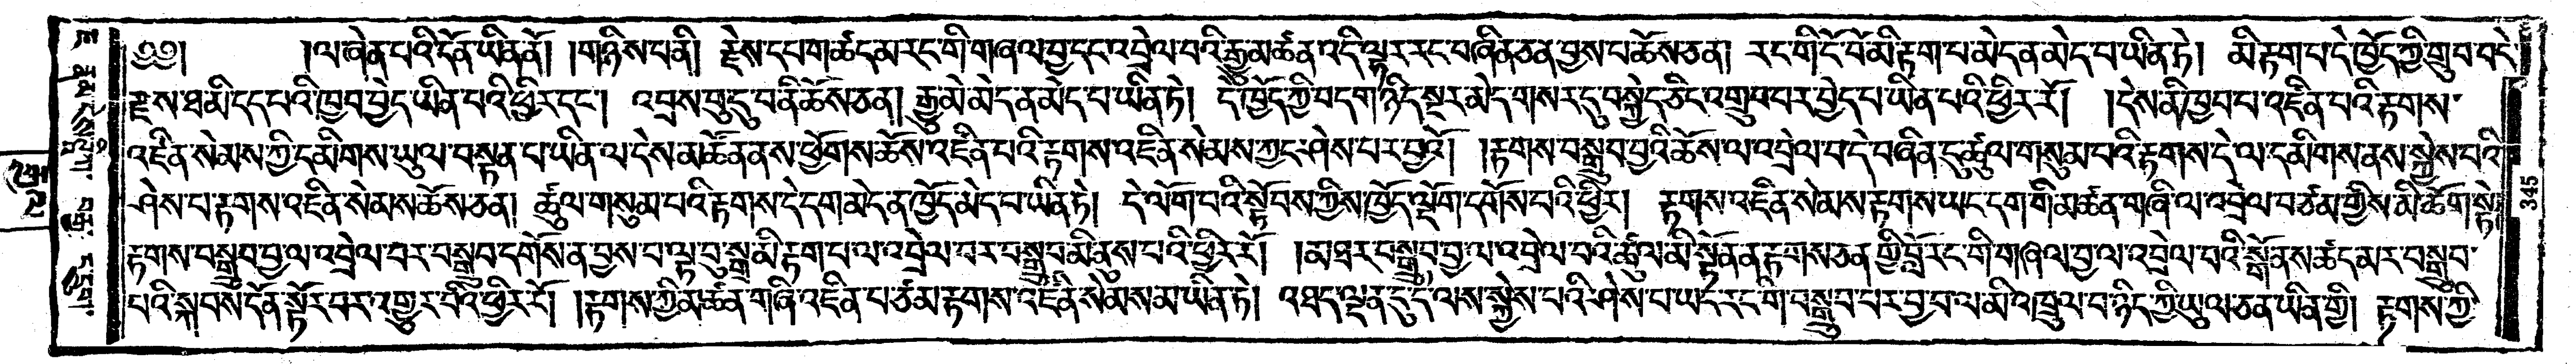༄༅། །ལ་ཞེན་པའི་དོན་ཡིན་ནོ། །གཉིས་པ་ནི། རྗེས་དཔག་ཚད་མ་རང་གི་གཞལ་བྱ་དང་འབྲེལ་བའི་རྒྱུ་མཚན་འདི་ལྟར་རང་བཞིན་ཅན་བྱས་པ་ཆོས་ཅན། རང་གི་ངོ་བོ་མི་རྟག་པ་མེད་ན་མེད་པ་ཡིན་ཏེ། མི་རྟག་པ་དེ་ཁྱོད་ཀྱི་གྲུབ་བདེ་
རྫས་ཐ་མི་དད་པའི་ཁྱབ་བྱེད་ཡིན་པའི་ཕྱིར་དང་། འབྲས་བུ་དུ་བ་ནི་ཆོས་ཅན། རྒྱུ་མེ་མེད་ན་མེད་པ་ཡིན་ཏེ། དེ་ཁྱོད་ཀྱི་བདག་ཉིད་སྔར་མེད་གསར་དུ་བསྐྱེད་ཅིང་འགྲུབ་པར་བྱེད་པ་ཡིན་པའི་ཕྱིར་རོ། །དེས་ནི་ཁྱབ་པ་འཛིན་པའི་རྟགས་
འཛིན་སེམས་ཀྱི་དམིགས་ཡུལ་བསྟན་པ་ཡིན་ལ་དེས་མཚོན་ནས་ཕྱོགས་ཆོས་འཛིན་པའི་རྟགས་འཛིན་སེམས་ཀྱང་ཤེས་པར་བྱའོ། །རྟགས་བསྒྲུབ་བྱའི་ཆོས་ལ་འབྲེལ་བ་དེ་བཞིན་དུ་ཚུལ་གསུམ་པའི་རྟགས་དེ་ལ་དམིགས་ནས་སྐྱེས་པའི་
ཤེས་པ་རྟགས་འཛིན་སེམས་ཆོས་ཅན། ཚུལ་གསུམ་པའི་རྟགས་དེ་དག་མེད་ན་ཁྱོད་མེད་པ་ཡིན་ཏེ། དེ་ལོག་པའི་སྟོབས་ཀྱིས་ཁྱོད་ལྡོག་དགོས་པའི་ཕྱིར། རྟགས་འཛིན་སེམས་རྟགས་ཡང་དག་གི་མཚན་གཞི་ལ་འབྲེལ་བ་ཙམ་གྱིས་མི་ཆོག་སྟེ།
རྟགས་བསྒྲུབ་བྱ་ལ་འབྲེལ་བར་བསྒྲུབ་དགོས་ན་བྱས་པ་ལྟ་བུ་སྒྲ་མི་རྟག་པ་ལ་འབྲེལ་བར་བསྒྲུབ་མི་ནུས་པའི་ཕྱིར་རོ། །མཐར་བསྒྲུབ་བྱ་ལ་འབྲེལ་བའི་ཚུལ་མི་སྟོན་ན་རྟགས་ཅན་གྱི་བློ་རང་གི་གཞལ་བྱ་ལ་འབྲེལ་བའི་སྒོ་ནས་ཚད་མར་བསྒྲུབ་
པའི་སྐབས་དོན་སྟོར་བར་འགྱུར་བའི་ཕྱིར་རོ། །རྟགས་ཀྱི་མཚན་གཞི་འཛིན་པ་ཙམ་རྟགས་འཛིན་སེམས་མ་ཡིན་ཏེ། འཐད་ལྡན་དུ་དེ་ལས་སྐྱེས་པའི་ཤེས་པ་ཡང་རང་གི་བསྒྲུབ་པར་བྱ་བ་ལ་མི་འཁྲུལ་བ་ཉིད་ཀྱི་ཡུལ་ཅན་ཡིན་གྱི། རྟགས་ཀྱི་